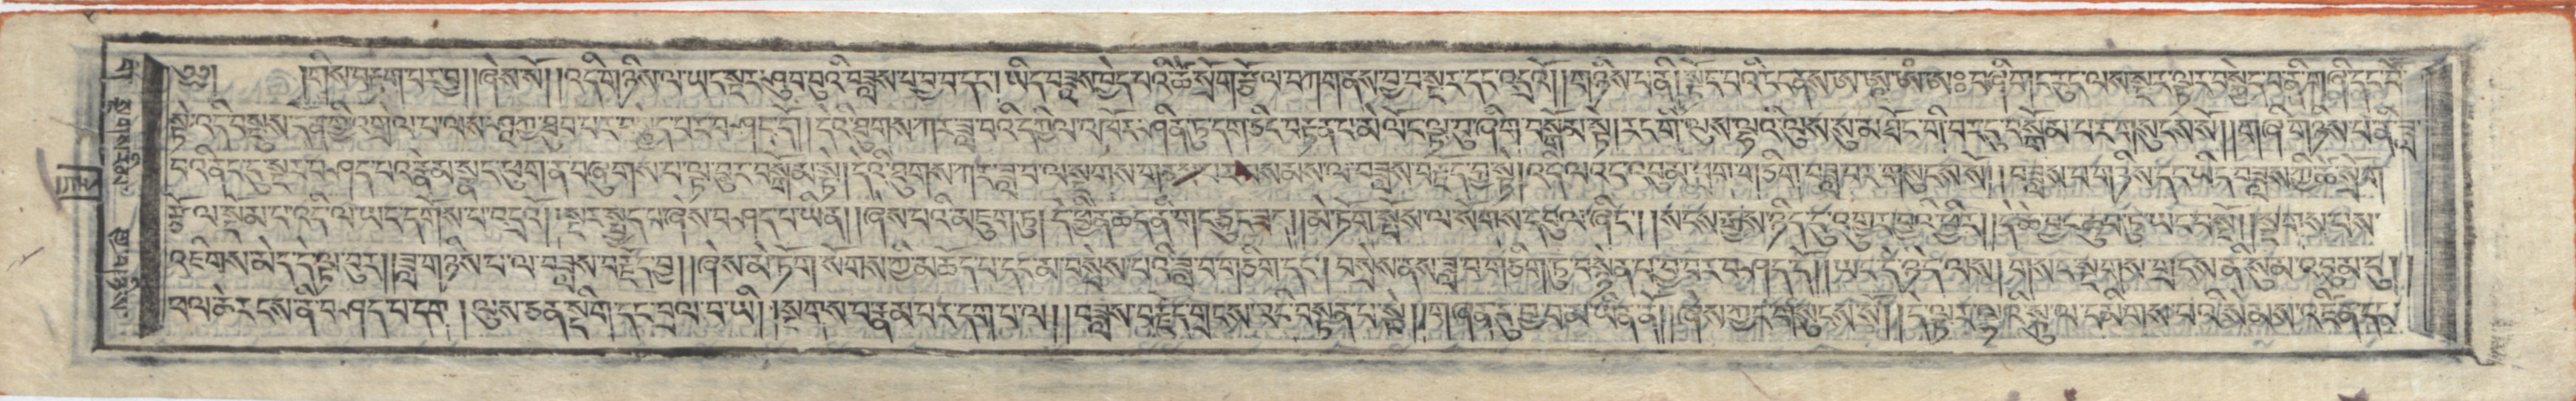༄༅། །གིས་བརྟག་པར་བྱ། །ཞེས་སོ། །འདི་གཉིས་ལ་ཡང་སྔར་ཤུབ་བུའི་བཟླས་པ་བྱ་བ་དང་། ཡིད་བཟླས་བྱེད་པའི་ཚེ་སྲོག་རྩོལ་བཀག་ནས་བྱ་བ་སྔར་དང་འདྲའོ། །གཉིས་པ་ནི། སྟོང་པའི་ངང་ནས་ཨ་ཨཱ་ཨཾ་ཨཿ བཞི་གང་རུང་ལས་སྔར་ལྟར་བསྐྱེད་པ་ནི་གཞི་དང་པོ་
སྟེ་འདི་བསྡུས་དོན་གྱི་འགྲེལ་པ་ལས་ཤཱཀྱ་ཐུབ་པར་བསྐྱེད་པར་བཤད་དོ། །དེའི་ཐུགས་ཀར་ཟླ་བའི་དཀྱིལ་འཁོར་ཤིན་ཏུ་དག་ཅིང་བརྟན་པ་མེ་ལོང་ལྟ་བུ་ཞིག་བསྒོམ་སྟེ། རང་གི་ལུས་ལྷའི་ལུས་སུ་མཐོང་གི་བར་དུ་བསྒོམ་པར་གསུངས་སོ། །གཞི་གཉིས་པ་ནི་ཟླ་
བའི་ནང་དུ་སྔར་བཤད་པའི་རྣམ་སྣང་ཕུག་ན་བཞུགས་པ་ལྟ་བུར་བསྒོམ་སྟེ། དེའི་ཐུགས་ཀར་ཟླ་བ་ལ་སྔགས་གནས་པར་བསམས་ལ་བཟླས་བརྗོད་བྱ་སྟེ། འདི་ལའང་འབུམ་ཕྲག་གཅིག་བཟླ་བར་གསུངས་སོ། །བཟླས་པ་གཉིས་དང་ཡིད་བཟླས་ཀྱི་ཚེ་སྲོག་
རྩོལ་སྡོམ་པ་འདི་ལ་ཡང་དགོས་པ་འདྲའོ། །སྔར་སྤྱད་པ་ཞེས་བཤད་པ་ཡིན། །ཞེས་པའི་མཇུག་ཏུ། དེ་ཕྱིན་ཆད་ནི་གང་ཅུང་ཟད། །མེ་ཏོག་སྤོས་ལ་སོགས་དབུལ་ཞིང་། །སངས་རྒྱས་ཉིད་དུ་འགྱུར་བྱའི་ཕྱིར། །དེ་ཆེ་བྱང་ཆུབ་ཏུ་ཡང་བསྔོ། །སྔགས་པས་
འཇིགས་མེད་དེ་ལྟ་བུར། །ཟླ་གཉིས་པ་ལ་བཟླས་བརྗོད་བྱ། །ཞེས་མེ་ཏོག་སོགས་ཀྱི་མཆོད་པ་དང་མ་བསྲེས་པའི་ཟླ་བ་གཅིག་དང་། བསྲེས་ནས་ཟླ་བ་གཅིག་ཏུ་བསྙེན་པ་བྱ་བར་བཤད་དོ། །ཡང་དེ་ཉིད་ལས། གསང་སྔགས་གྲངས་ནི་སུམ་འབུམ་དུ། །
ཕལ་ཆེར་ངས་ནི་བཤད་པ་དག །ལུས་ཅན་སྡིག་དང་བྲལ་བ་ཡི། །སྔགས་པ་རྣམ་པར་དག་པ་ལ། །བཟླས་བརྗོད་གྲངས་འདི་བསྟན་པ་སྟེ། །གཞན་དུ་བྱ་བ་མ་ཡིན་ནོ། །ཞེས་ཀྱང་གསུངས་སོ། །དེ་ལྟར་ལྷའི་སྐུ་ལ་དམིགས་པའི་སེམས་འཛིན་དང་